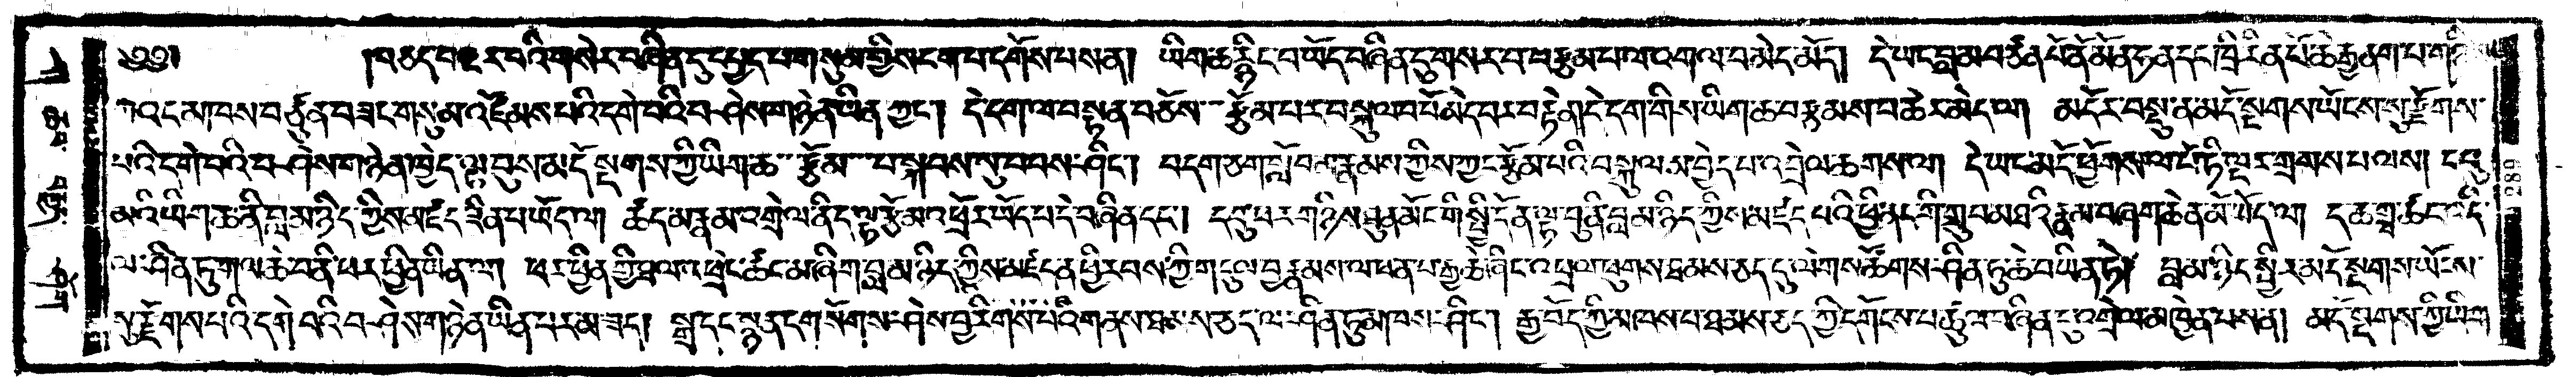༄༅། །བཅད་བསྔར?་བའི་གསེར་བཞིན་དུ་དཔྱད་པ་གསུམ་གྱི་སང་ག་པ་དགོས་པས་ན། ཡིག་ཆ་རྙིང་བ་ཡོད་བཞིན་དུ་གསར་བ་བརྩམ་པ་ལ་འགལ་བ་མེད་མོད། དེ་ཡང་བླ་མ་བཙན་པོ་ནོ་མོན་ཧན་དང་ཁྲི་རིན་པོ་ཆེ་རྒྱ་ནག་པའི་
ཀའང་མཁས་བཙུན་བཟང་གསུམ་འཛོམས་པའི་དགེ་བའི་བཤེས་གཉེན་ཡིན་ཀྱང་དེ་དག་ལ་བསྟན་བཅོས་རྩོམ་པར་བསྐུལ་བ་པོ་མེད་པར་བརྟེན། དེ་དག་གིས་ཡིག་ཆ་བརྩམས་བ་ཆེར་མེད་ཡ། མདོར་བསྡུ་ན་མདོ་སྔགས་ཡོངས་སུ་རྫོགས་
པའི་དགེ་བའི་བཤེས་གཉེན་ཁྱེད་ལྟ་བུས་མདོ་སྔགས་ཀྱི་ཡིག་ཆ་རྩོམ་པ་སྐབས་སུ་བབས་ཤིང་། བདག་ཅག་སློབ་མ་རྣམས་ཀྱིས་ཀྱང་རྩོམ་པའི་བསྐུ་ལམ་བྱེད་པ་འབྲེལ་ཆགས་ལ། དེ་ཡང་མདོ་ཕྱོགས་ལ་པོ་ཏི་ལྔར་གྲགས་པ་ལས། དབུ་
མའི་ཡིག་ཆ་ནི་བླ་མ་ཉིད་ཀྱིས་མཛད་ཟིན་པ་ཡོད་ལ། ཚད་མ་རྣམ་འགྲེལ་ནི་ད་ལྷ་རྩོམ་འཕྲོར་ཡོད་པ་དེ་བཞིན་དང་། དབུ་པར་གཉིས་ཐུན་མོང་གི་སྤྱི་དོན་ལྟ་བུ་ནི་བླ་མ་ཉིད་ཀྱིས་མཛད་པའི་ཕྱི་ནང་གི་གྲུབ་མཐའི་རྣམ་བཞག་ཆེན་མོ་བོད་ལ། ད་ཆ་གྲྭ་ཚང་འདི་
ལ་ཤིན་ཏུ་གལ་ཆེ་བ་ནི་ཕར་ཕྱིན་ཡིན་ལ། ཕར་ཕྱིན་གྱི་ཐལ་འཕྲེང་ཚང་མ་ཞིག་བླ་མ་ཉིད་ཀྱིས་མཛད་ན་ཕྱིར་བས་ཀྱི་གདུལ་བྱ་རྣམས་ལ་ཕན་པ་རྒྱ་ཆེ་ཞིང་འཕྲལ་ཕུགས་ཐམས་ཅད་ལེགས་ཚོགས་ཤིན་ཏུ་ཆེ་བ་ཡིན་ཏེ། བླ་མ་ཉིང་སྤྱིར་མདོ་སྔགས་ཡོངས་
སུ་རྫོགས་པའི་དགེ་བའི་བཤེས་གཉེན་ཡིན་པར་མ་ཟད། སྒྲ་དང་སྙན་དག་སོགས་ཤེས་བྱ་རིགས་པའི་གནས་ཐམས་ཅད་ལ་ཤིན་ཏུ་མཁས་ཤིང་། རྒྱ་བོད་ཀྱི་མཁས་བ་ཐམས་ཅད་ཀྱི་དགོངས་པ་ཚུལ་བཞིན་དུ་འགྲེལ་མཁྱེན་པས་ན། མདོ་སྔགས་ཀྱི་ཡིག་